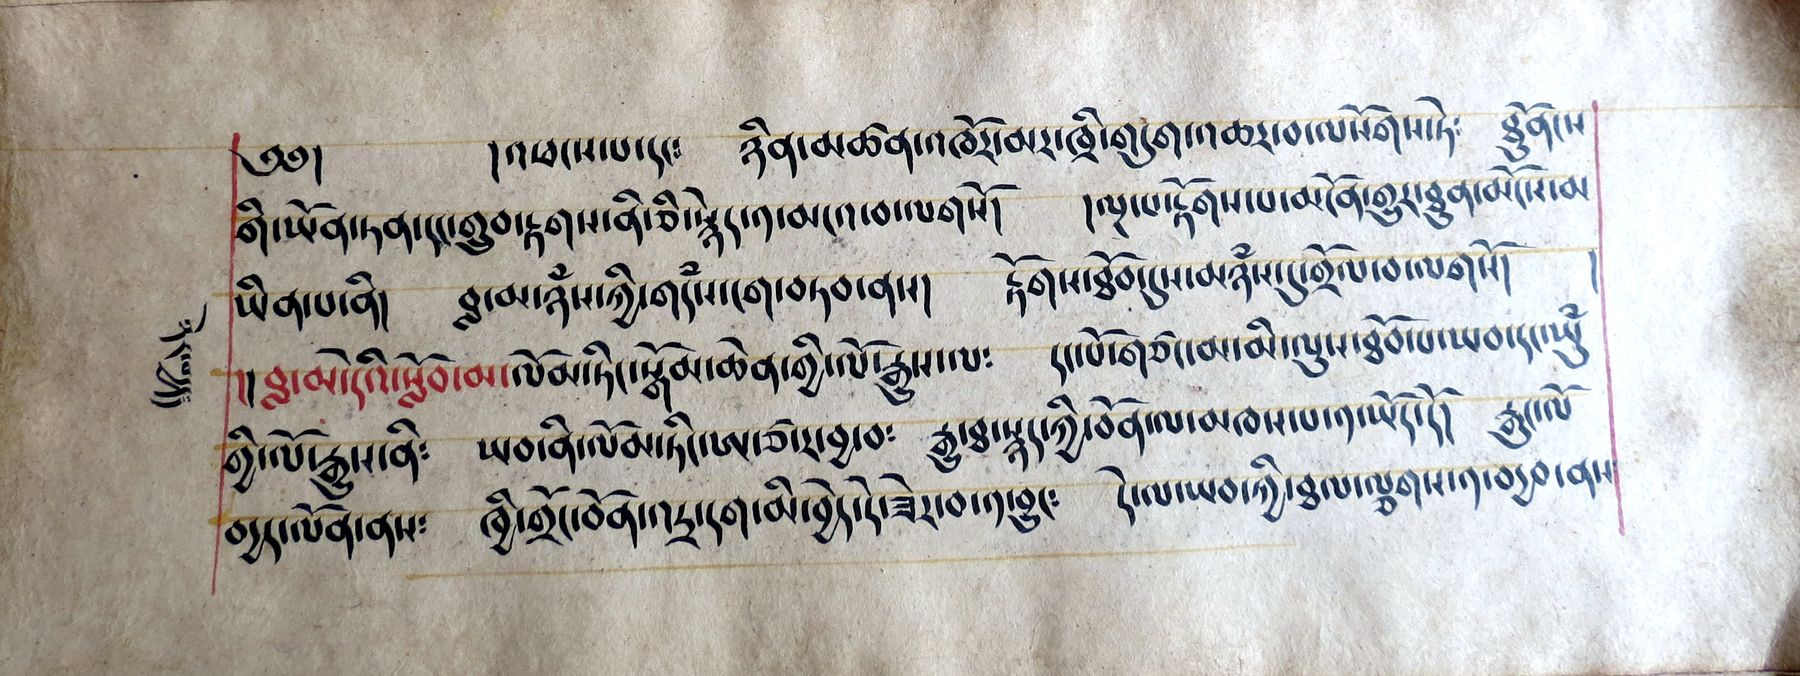འཕངས་པ་དང་། ཉིན་མཚན་འཁོར་མར་ཁྲི་གདུགས་འཆར་བ་ལས་སོགས་ཏེ། ཐུན་མོང་
གི་ཡོན་ཏན་གྲུབ་རྟགས་ནི་ཅི་སྙེད་ཅིག་མངའ་བ་ལགས་སོ། །ལྔ་པ་རྟོགས་པ་མངོན་གྱུར་ཐུན་མོང་མ་
ཡིན་པ་ནི། བླ་མས་ཉམས་ཀྱི་གདམས་ངག་བཏབ་ནས། རྟོགས་ཐོབ་དུས་མཉམ་དུ་གྲོལ་བ་ལགས་སོ། །
བླ་མ་དེའི་སློབ་མ་ནི། ལོམ་ཏིང་༼ལྷ་སྒོམ་དཀར་པོའི་༽སྒོམ་ཆེན་གྱི་ལོ་རྒྱུས་ལ་ལྔ། དང་པོ་གཙང་མ་མི་ལུས་ཐོབ་པ་ཡབ་དང་ཡུམ་
གྱི་ལོ་རྒྱུས་ནི། ཡབ་ནི་ལོམ་ཏིང་ཨ་ཙ་ར་བྱ་བ། རྒྱུ་ཐ་སྙད་ཀྱི་བོན་ལ་མཁས་པ་ཅིག་ཡོད་དོ། དགུང་ལོ་
བརྒྱད་ལོན་ནས་ཁྱི་གྲོང་བོན་འདྲ་དག་མི་བྱེད། ༼ཁྱི་བོན་གྲོང་ཆོག་འདྲ་བ་བདག་མི་བྱེད་དཔེ་གཞན༽ཟེར་བ་ཞིག་བྱུང་། དེ་ལ་ཡབ་ཀྱིས་ཐལ་ལྕག་ཅིག་བརྒྱབ་ནས།